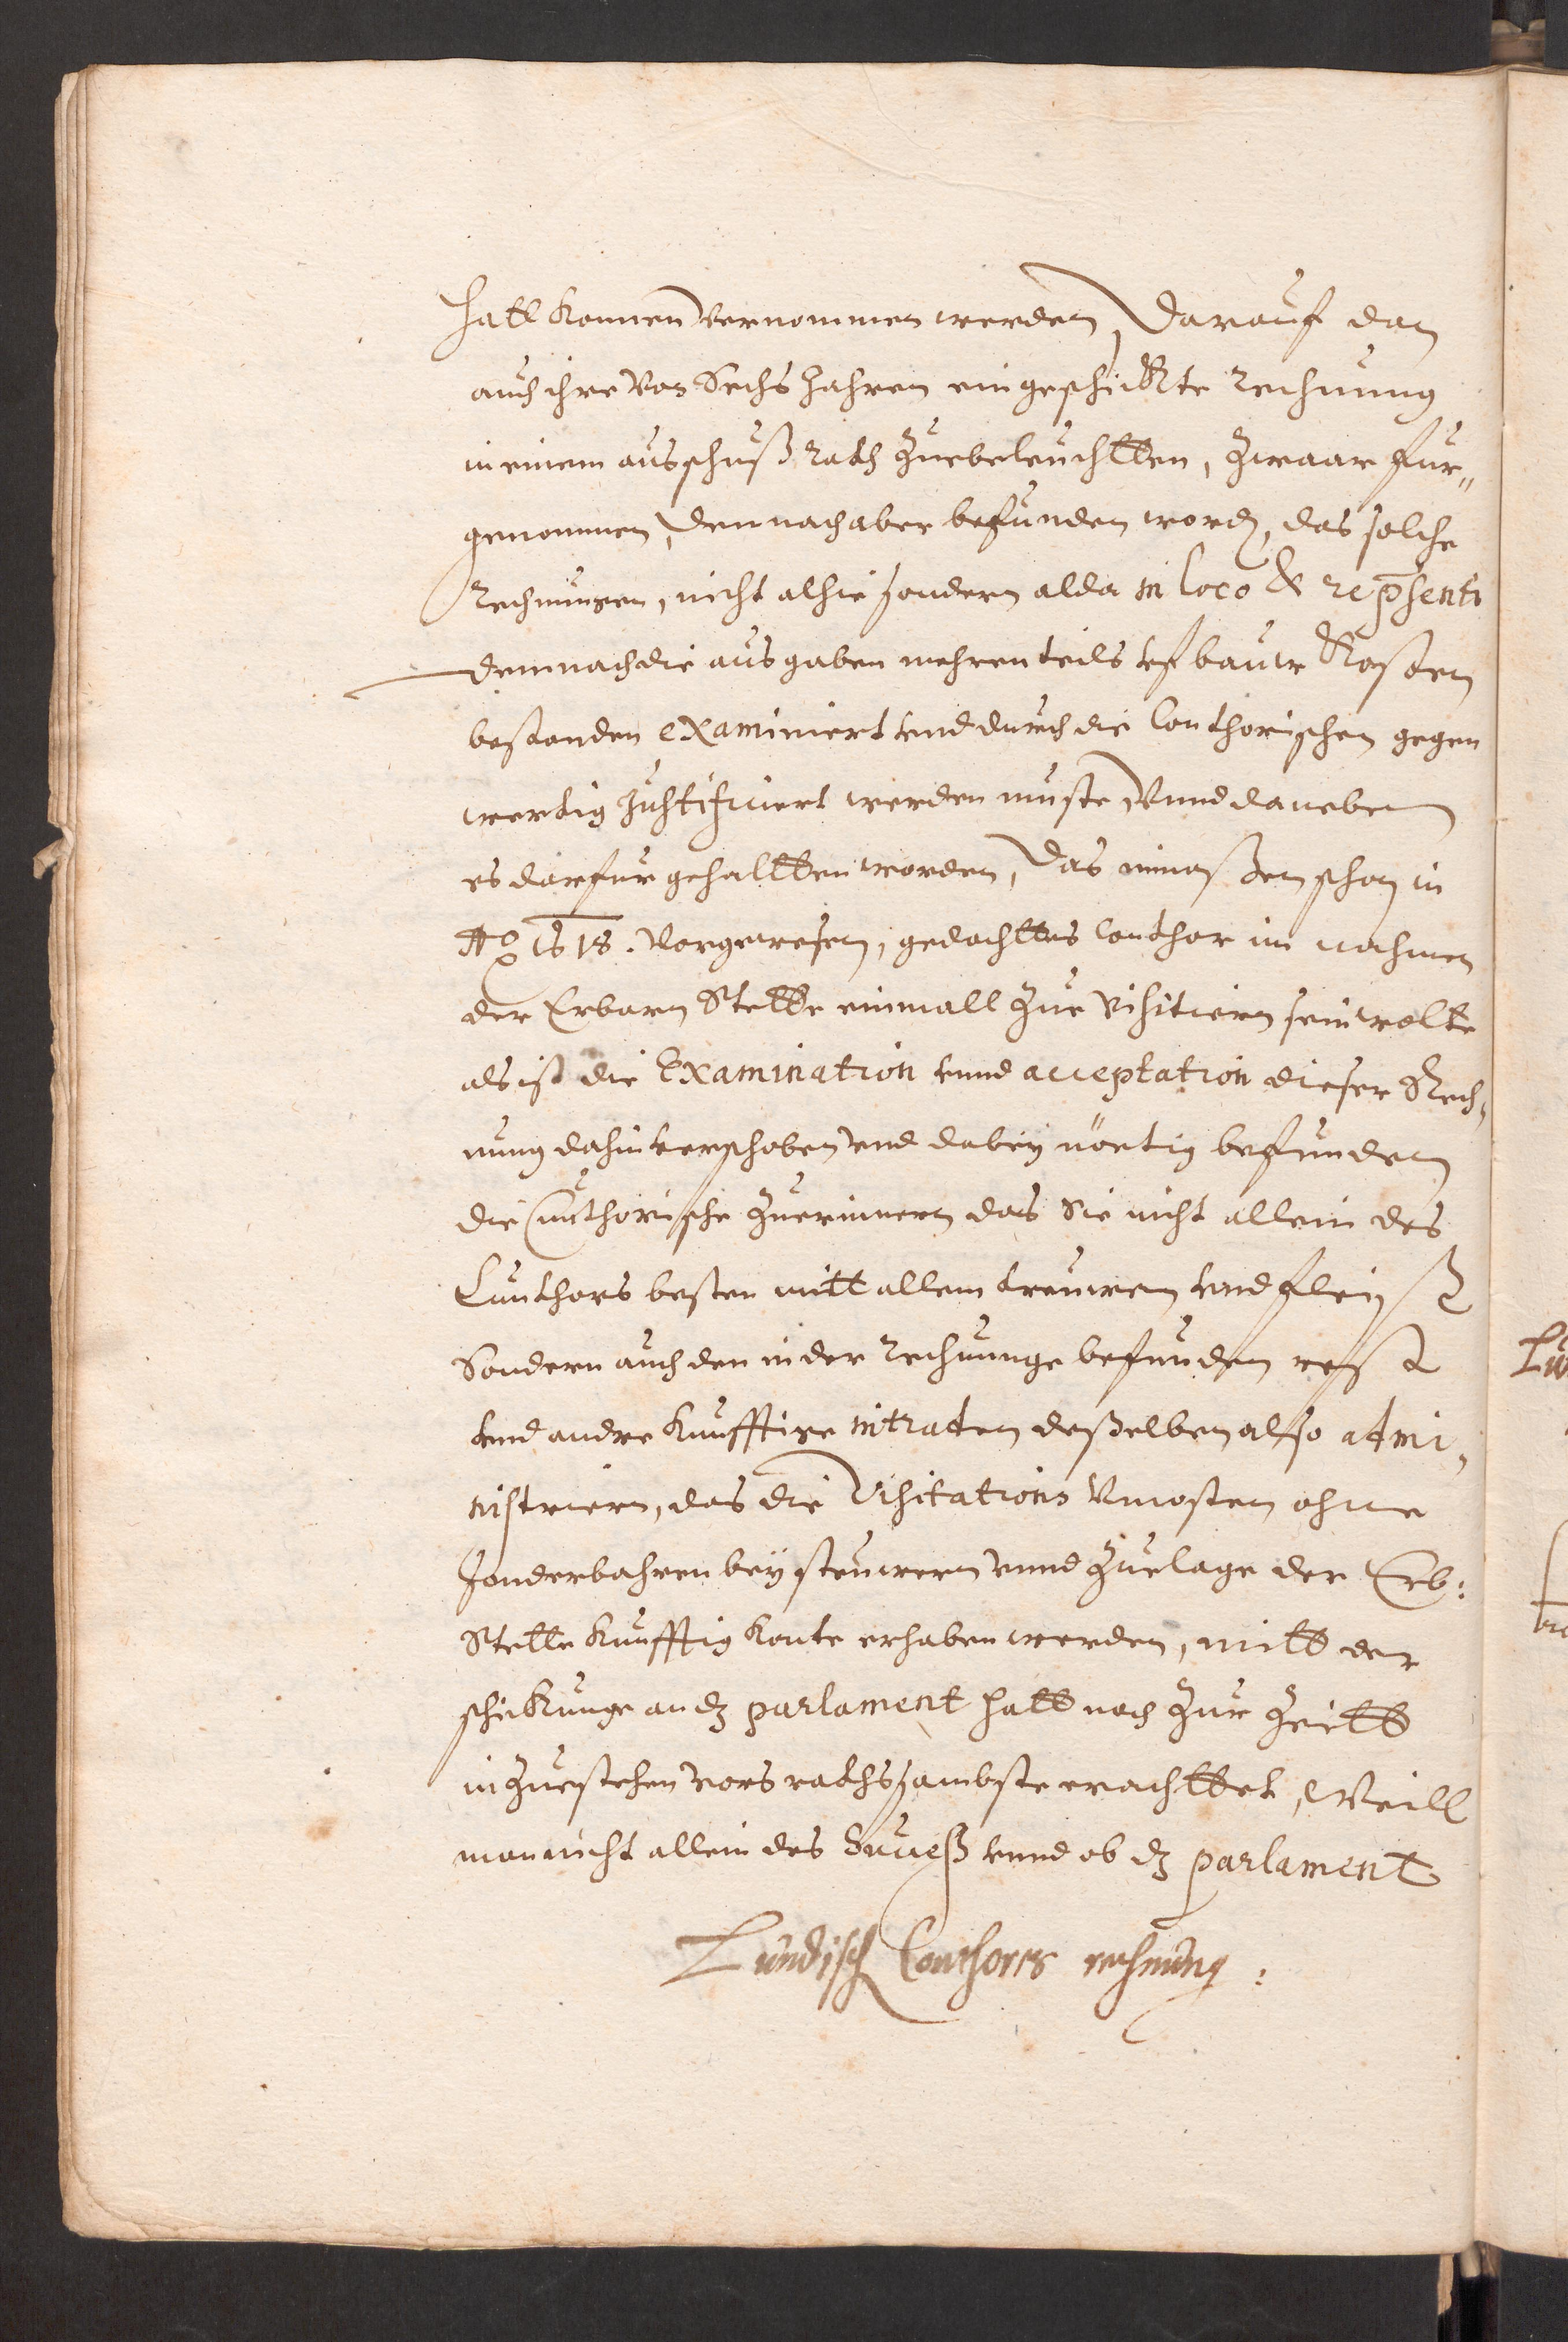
hatt konnen vernommen werden, Darauf dan
auch ihre von Sechs Jahren eingeschickte rechnung
in einem ausschuß rath zuebeleuchtten, zwaar fur¬
genommen, demnach aber befunden worden, das solche
rechnungen, nicht alhie sondern alda in loco & repraesenti
demnach die ausgaben mehrenteils vf bauw Kosten
bestanden examiniert vnd durch die Conthorischen gegen
wertig justificiert werden muste, Vnnd daneben
es darfur gehaltten worden, das inmaßen schon in
Ao p 1618. vorgewesen, gedachttes conthor im nahmen
der Erbarn Stette einmall zue visitiern sein wolte
als ist die Examination vnnd acceptation dieser Rech¬
nung dahin verschoben vnd dabey nöetig befunden
die Cunthorische zuerinnern das Sie nicht allein des
Cunthors besten mitt allem treuwen vnd fleiß
Sondern auch den in der rechnunge befunden rest
vnd ander kunfftige intraden deßelben also admi¬
nistriern, das die Visitations vncosten ohne
sonderbahren beijsteuwern vnnd zuelage der Erb:
Stette kunfftig konte erhaben werden, mitt der
schickunge an das parlament hatt noch zur zeitt
in zuestehen vors rathssambste erachttet, weill
man nicht allein des Succeß vnnd ob das parlament
Lundischen Conthores rechnung:
